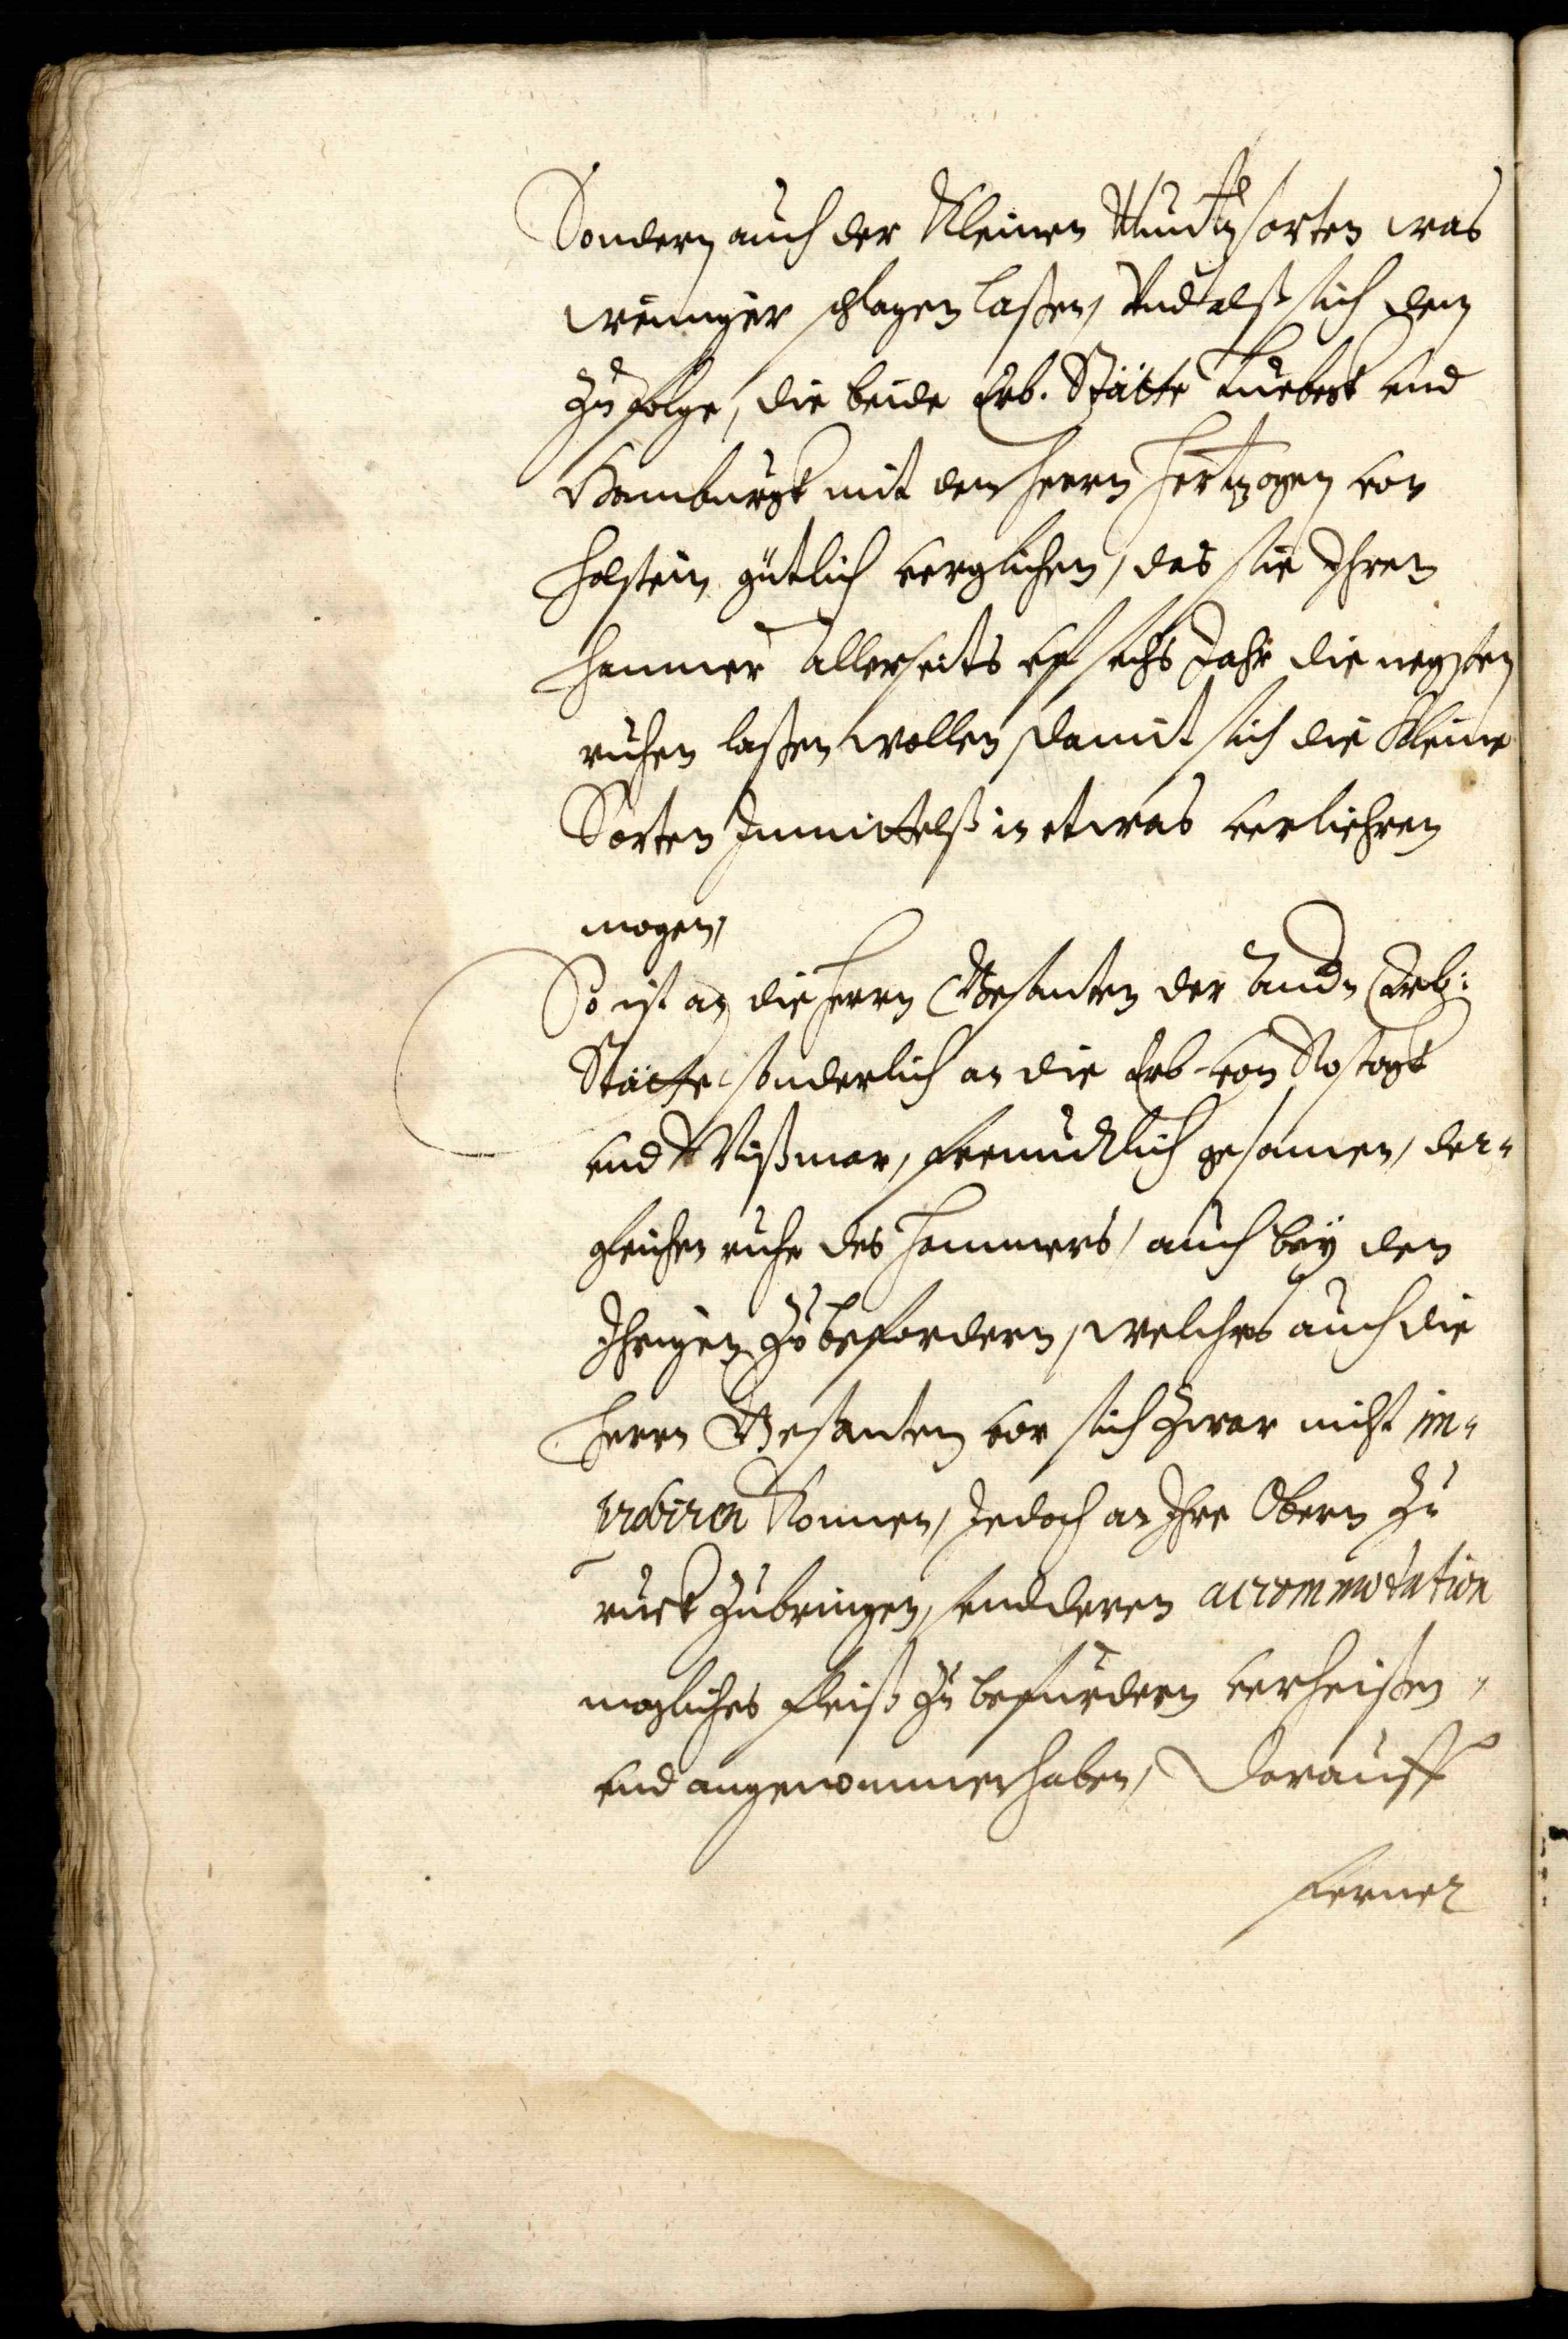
Sondern auch der kleinen Muntzsorten was
weiniger schlagen laßen, undalß sich dem
zufolge, die beide Erb: Stätte Luebegk vnd
Hamburgk mit den herrn hertzogen von
holstein gutlich verglichen, das sie Ihren
hammer Allerseits vf sechs Jahr die negsten
ruhen laßen wollen, damit sich die Kleine
Sorten Inmittelß in etwas verliehren
mogen,
so ist an die herrn Gesanten der Andern Erb:
Stätte, sonderlich an die Erb. von Rostogk
vnd Wißmar, freundtlich gesonnen, der¬
gleichen ruhe des hammers, auch beij den
Ihrigen zu befordern,welches auch die
herrn Gesanten von sich zwar nicht im¬
probiren konnen, Jedoch an Ihre Obern zu
rucl zubringen, vnd deren accommodation
mogliches fleiß zu befurdern verheißen
vnd angenommen haben, darauff
ferner
